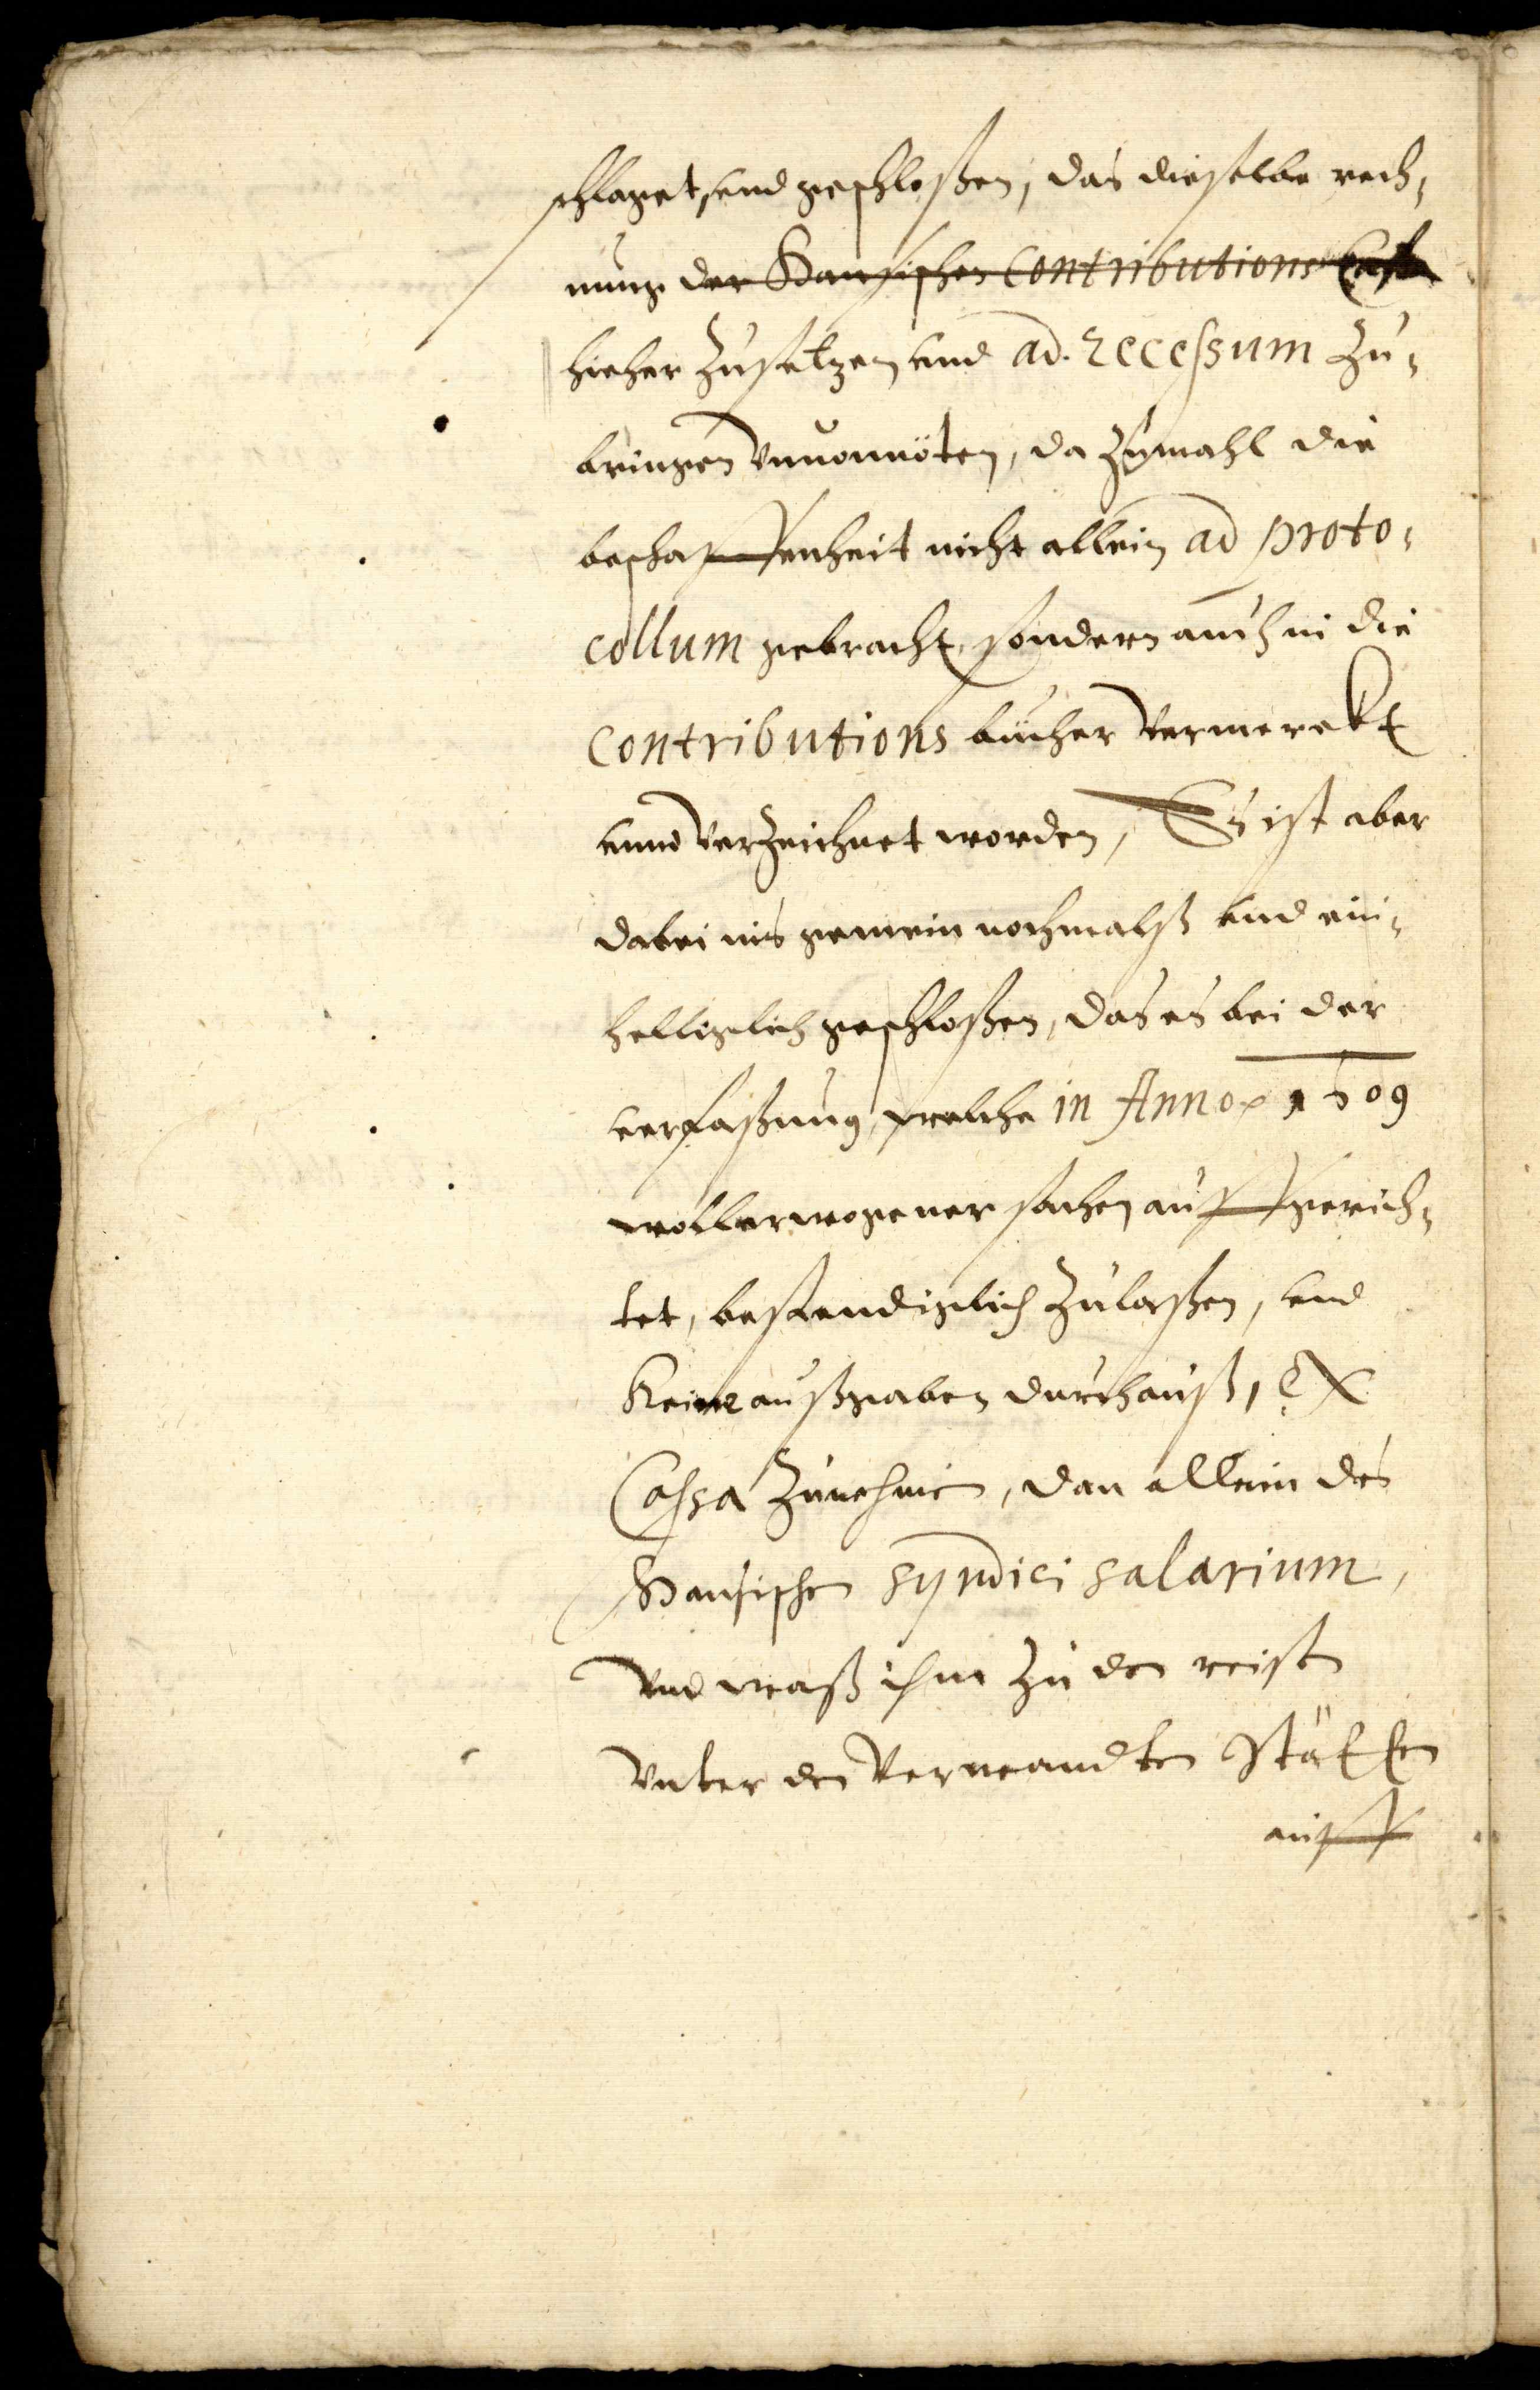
schlaget, vnd geschloßen, das dieselbe rech¬
nung der Hansischen contributions Cassa
hieher Zusetzen vnd ad recessum Zu¬
bringen Vnuonnöten, da Zumahl die
beschaffenheit nicht allein ad proto¬
collum gebracht sondern auch in die
Contributions bücher Vermerckt
vnd Verzeichnet worden, Es ist aber
dabei ins gemein nochmalß vnd ein¬
helliglich geschloßen, das es bei der
verfaßung welche in Anno 1609
wollerwogener sachen auffgerich¬
tet, bestendiglich Zulaßen, vnd
keine außgaben durchauß, ex
Cassa zunehmen, dan allein des
Hansischen syndici salarium,
Vnd waß ihm zu den reisen
Vnter der Verwandten Stätten
auff
